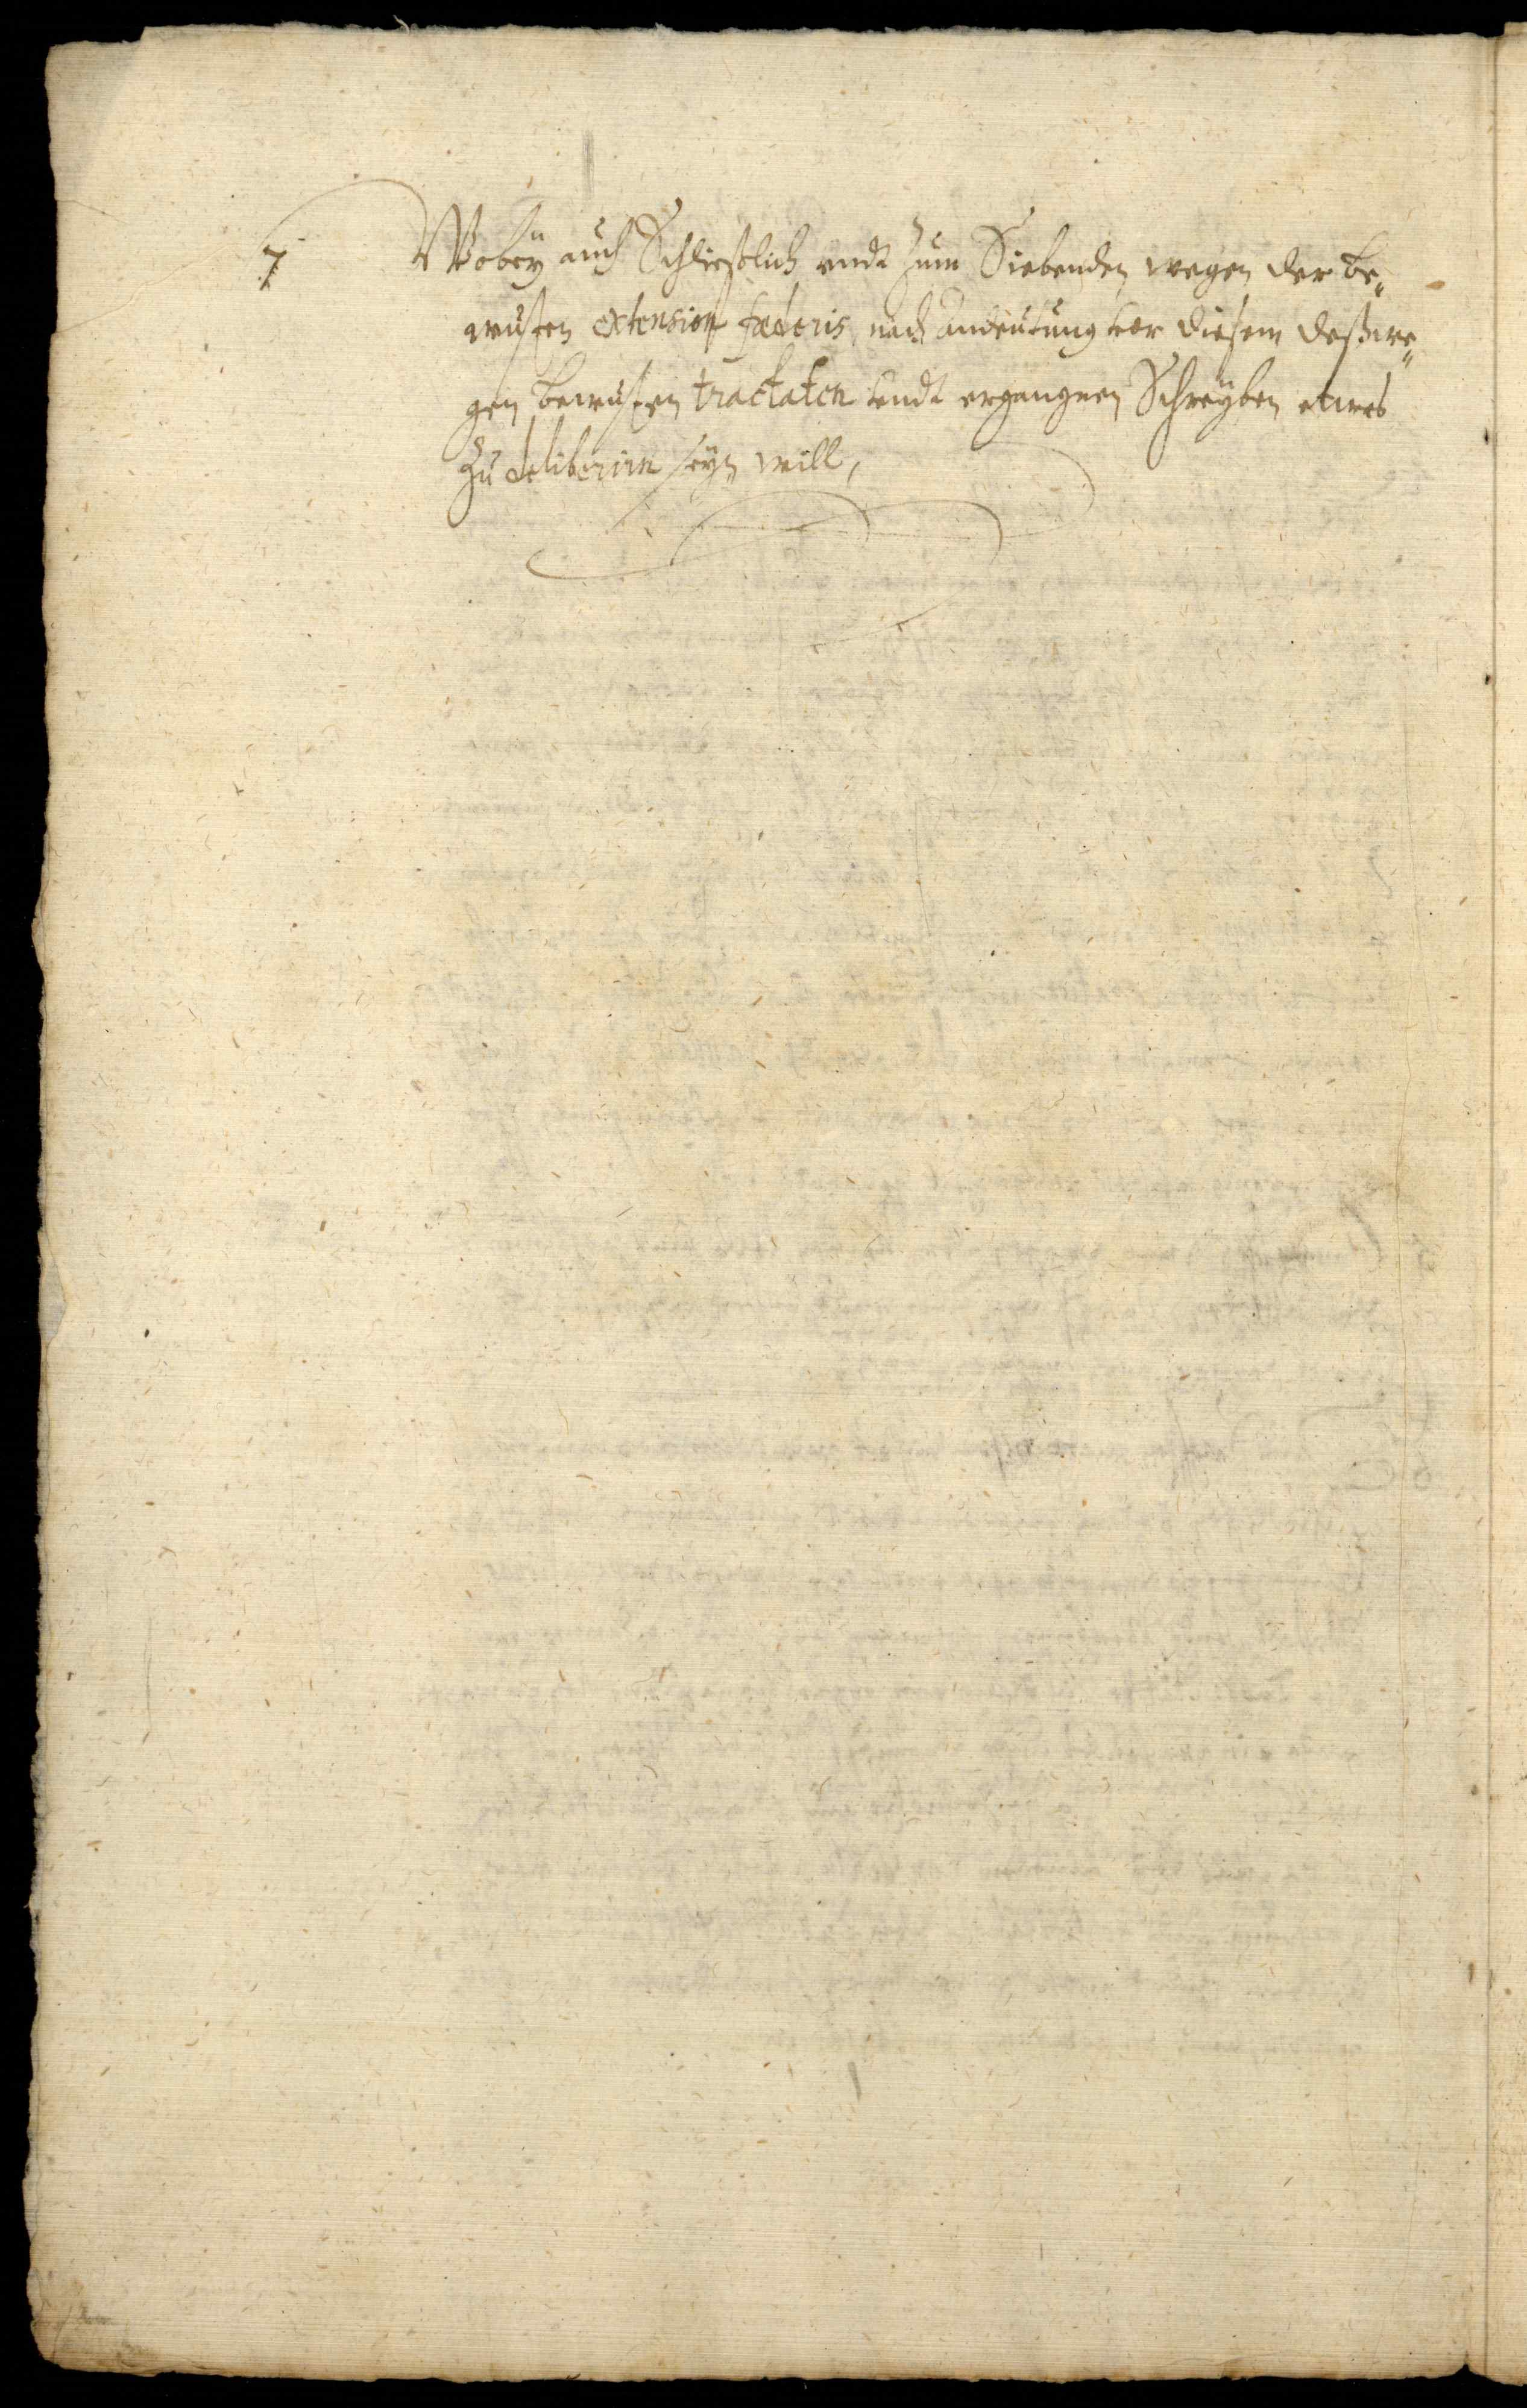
Wobeij auch Schließlich vndt zum Siebenden wegen der be¬
wusten extension foederis, nach Andeutung vor diesem deßwe¬
gen bewusten tractaten vndt ergangnen Schreijben etwas
zu deliberirn seijn will,
7
